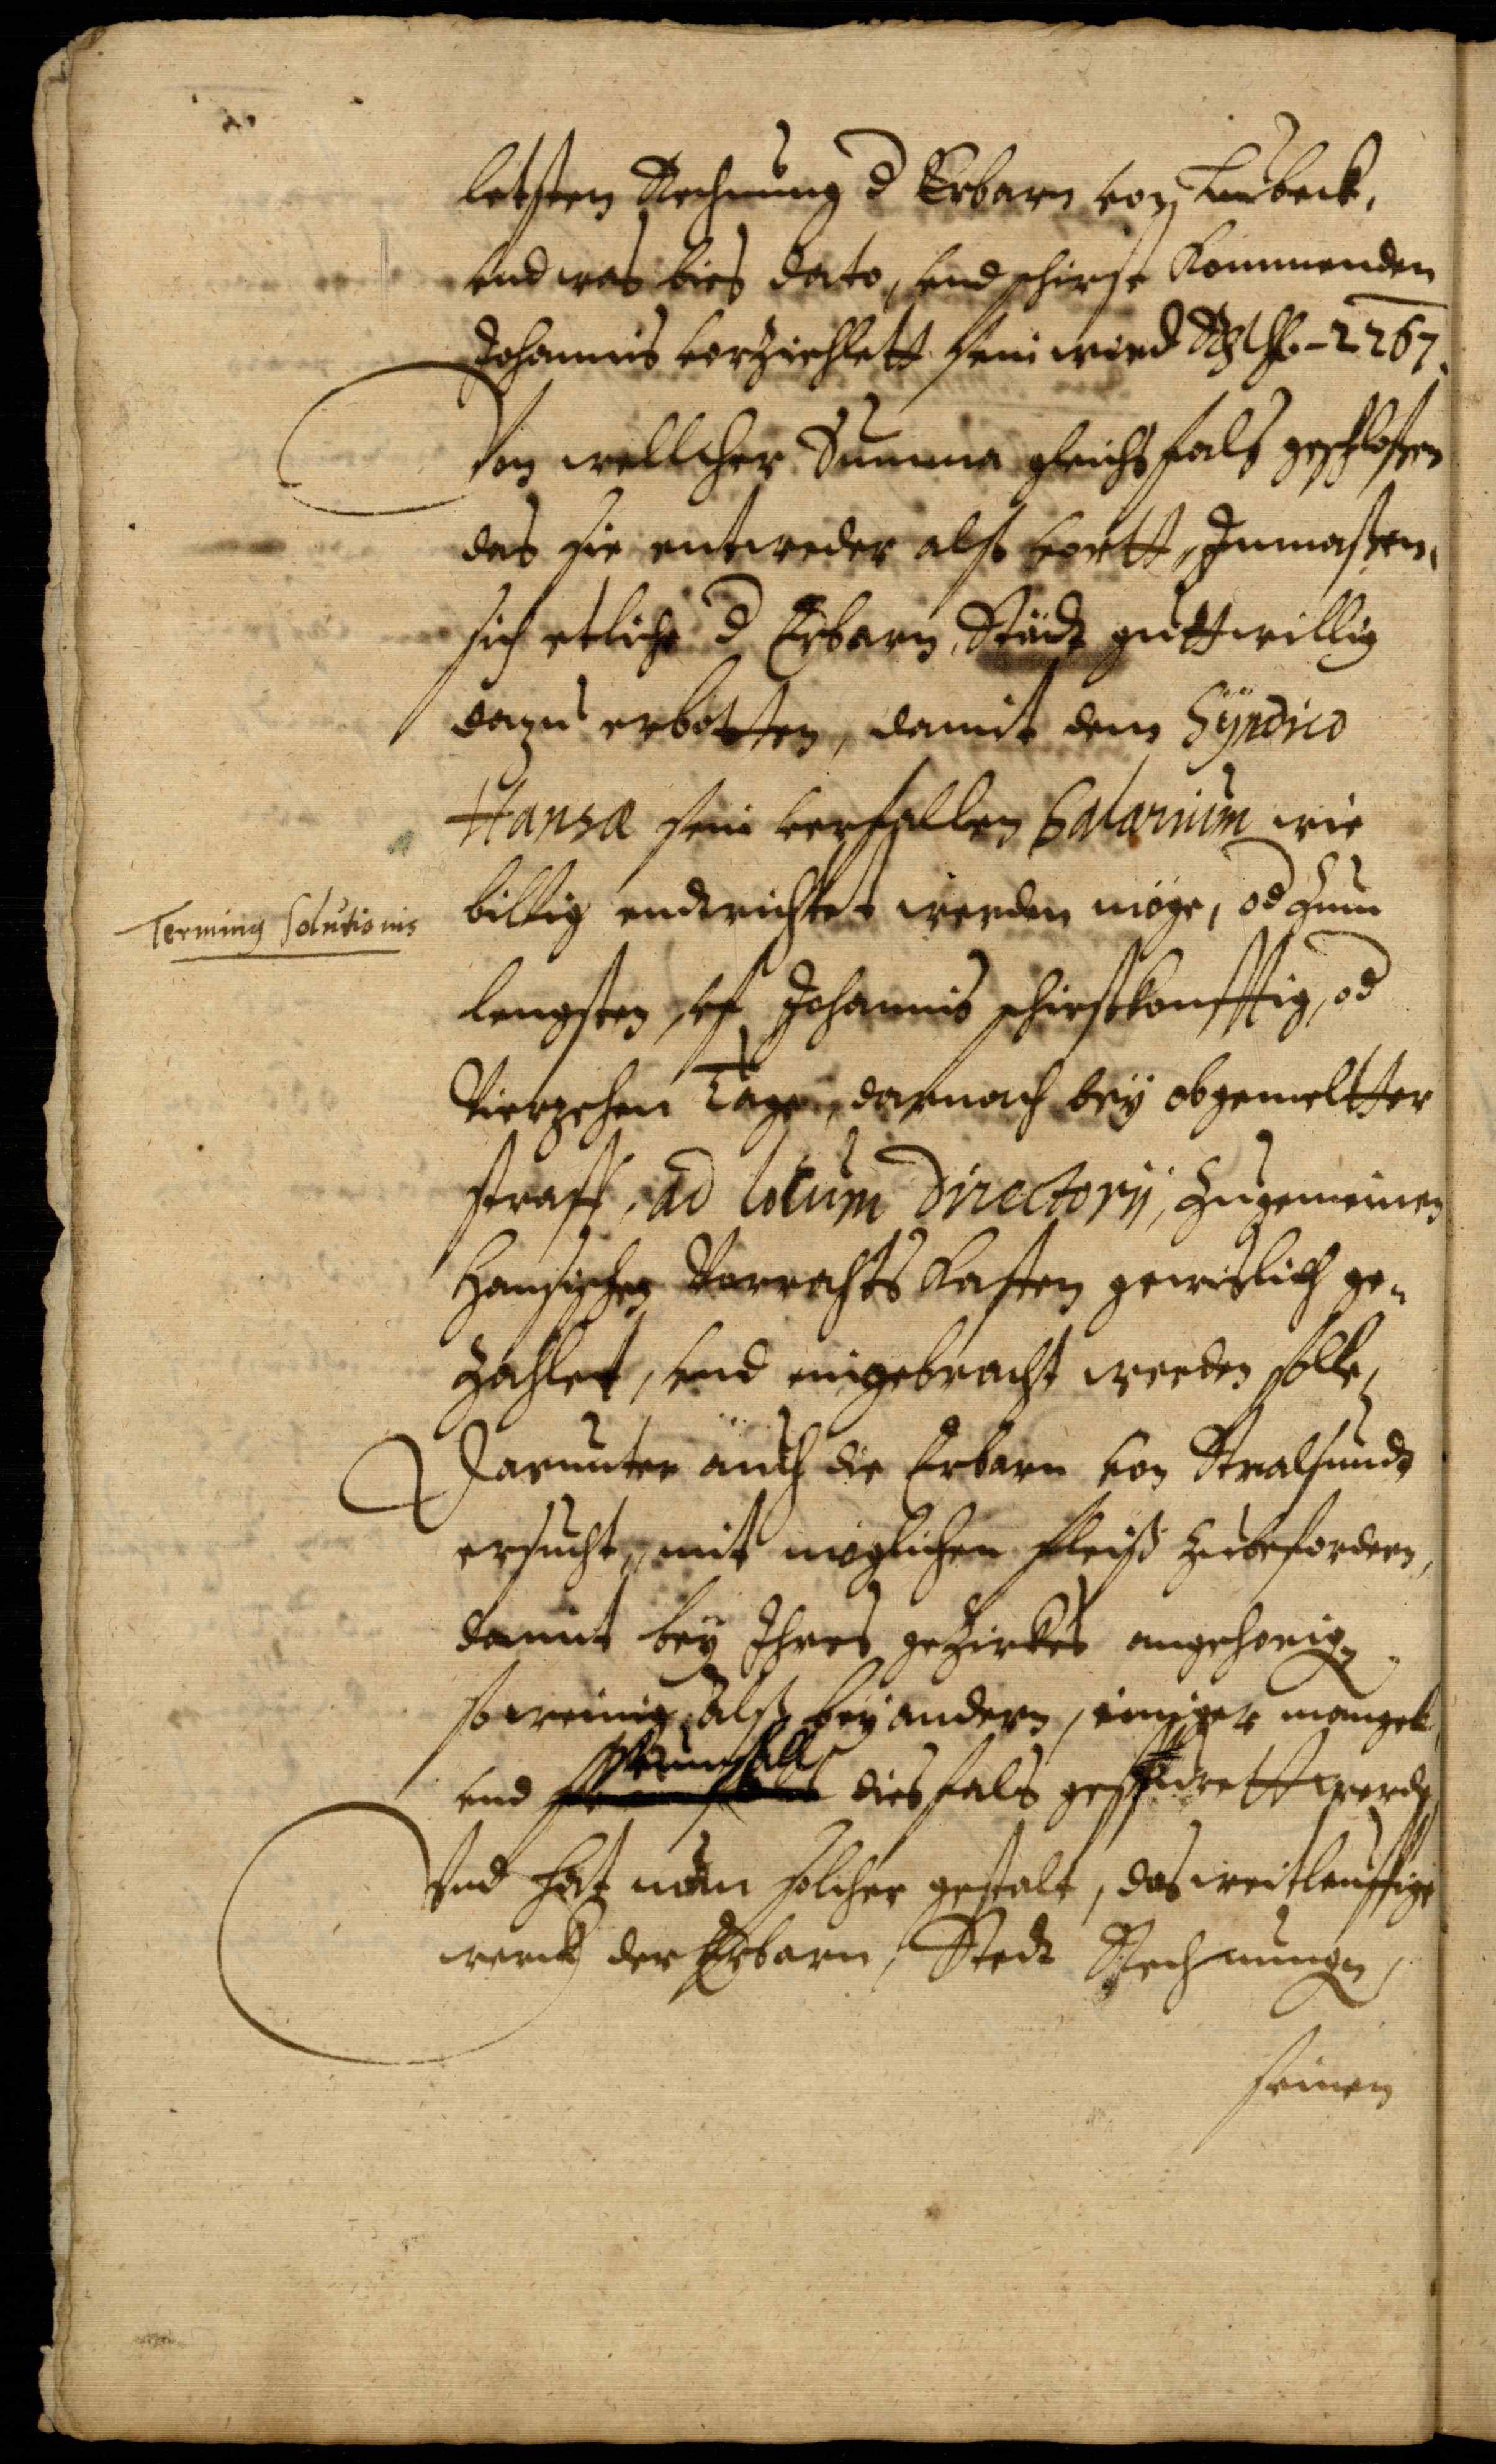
letsten Rechnung der Erbarn von Lubeck,
vnd was bies dato, vnd schirst kommenden
Johannis vorziehlett sein wird Rhthl. - 2267.
Von welcher Summa gleich fals geschloßen
das sie entweder alß vortt, Inmaßen,
sich etliche der Erbarn Städt guttwillig
dazu erbotten, damit dem Sijndico
Hansae sein vorfallen Salarium wie
billig endrichtet werden möge, oder zum
lengsten vf Johannis schirstkunnfftig, oder
vierzehen Tage darnach beij obgemeltter
straff ad locum directorii, zu gemeinen
hansischen vorrechts Lasten gewislich ge¬
zahlet, vnd eingebracht werden solle,
Darunter auch die Erbarn von Stralsundt
ersucht, mit moglichen fleiß zubefordern,
damit beij Ihres gezirkes angehorigen
so weinig, alß beij andern, einiger mangel
vnd keinesfals zumhall dies fals gespurett werde
Vnd hat man solcher gestalt, das weitlauffige
werck der Erbarn Stadt Rechnungen
seinen
Terminus Solutionis
